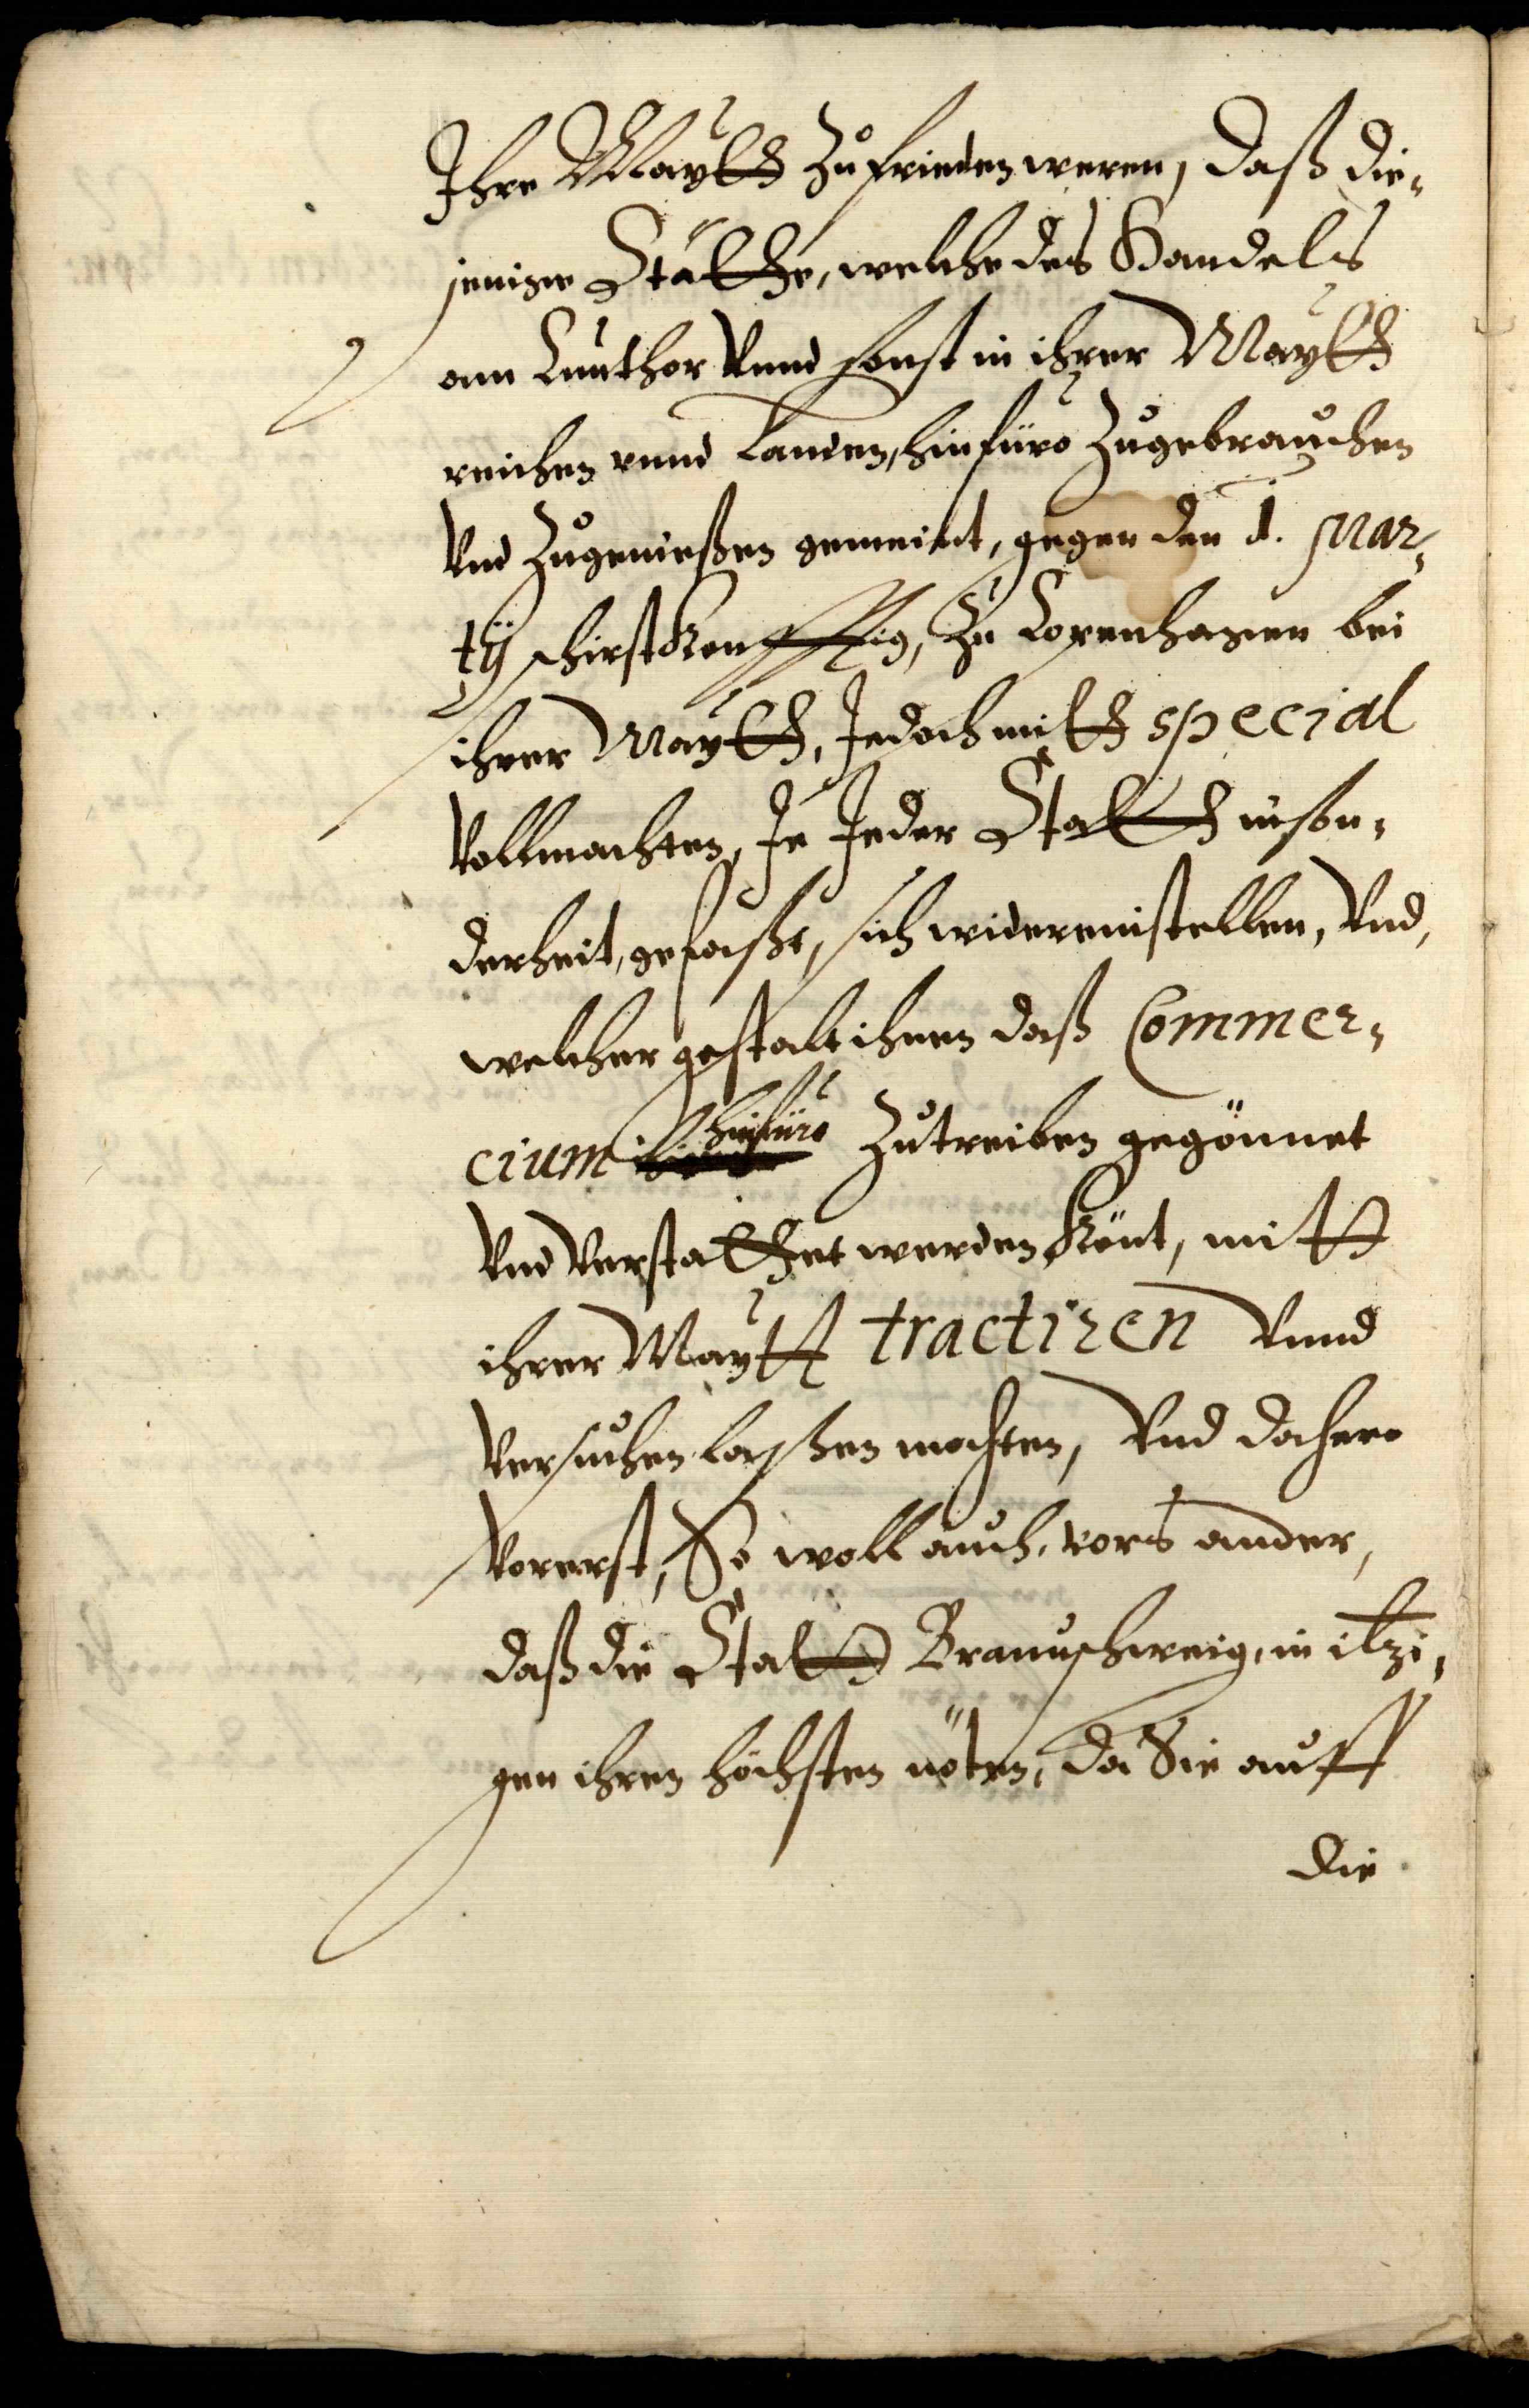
Ihre Maytt Zu frieden weren, daß die¬
jenige Stätte, welche des Handels
am Cunthor Vnnd sonst in ihrer Maytt
reichen vnnd Landen, hinfüro Zugebrauchen
Vnd Zugenießen gemeint, gegen den 1. mar¬
tij schirstkonfftig, Zu Copenhagen bei
ihrer Maytt, Jedoch mitt special
Vollmachten, Je Jeder Statt inson¬
derheit, gefaßt, sich widereinstellen, Vnd,
welcher gestalt ihnen daß Commer¬
cium ihierin hinfüro Zutreiben gegönnet
Vnd Verstattet werden könt, mitt
ihrer Maytt tractiren Vnnd
Versuchen laßen mochten, Vnd dahero
Vorerst, So woll auch, vors ander,
daß die Statt Braunschweig, in itzi¬
gen ihren höchsten nöten, da Sie auff
die
